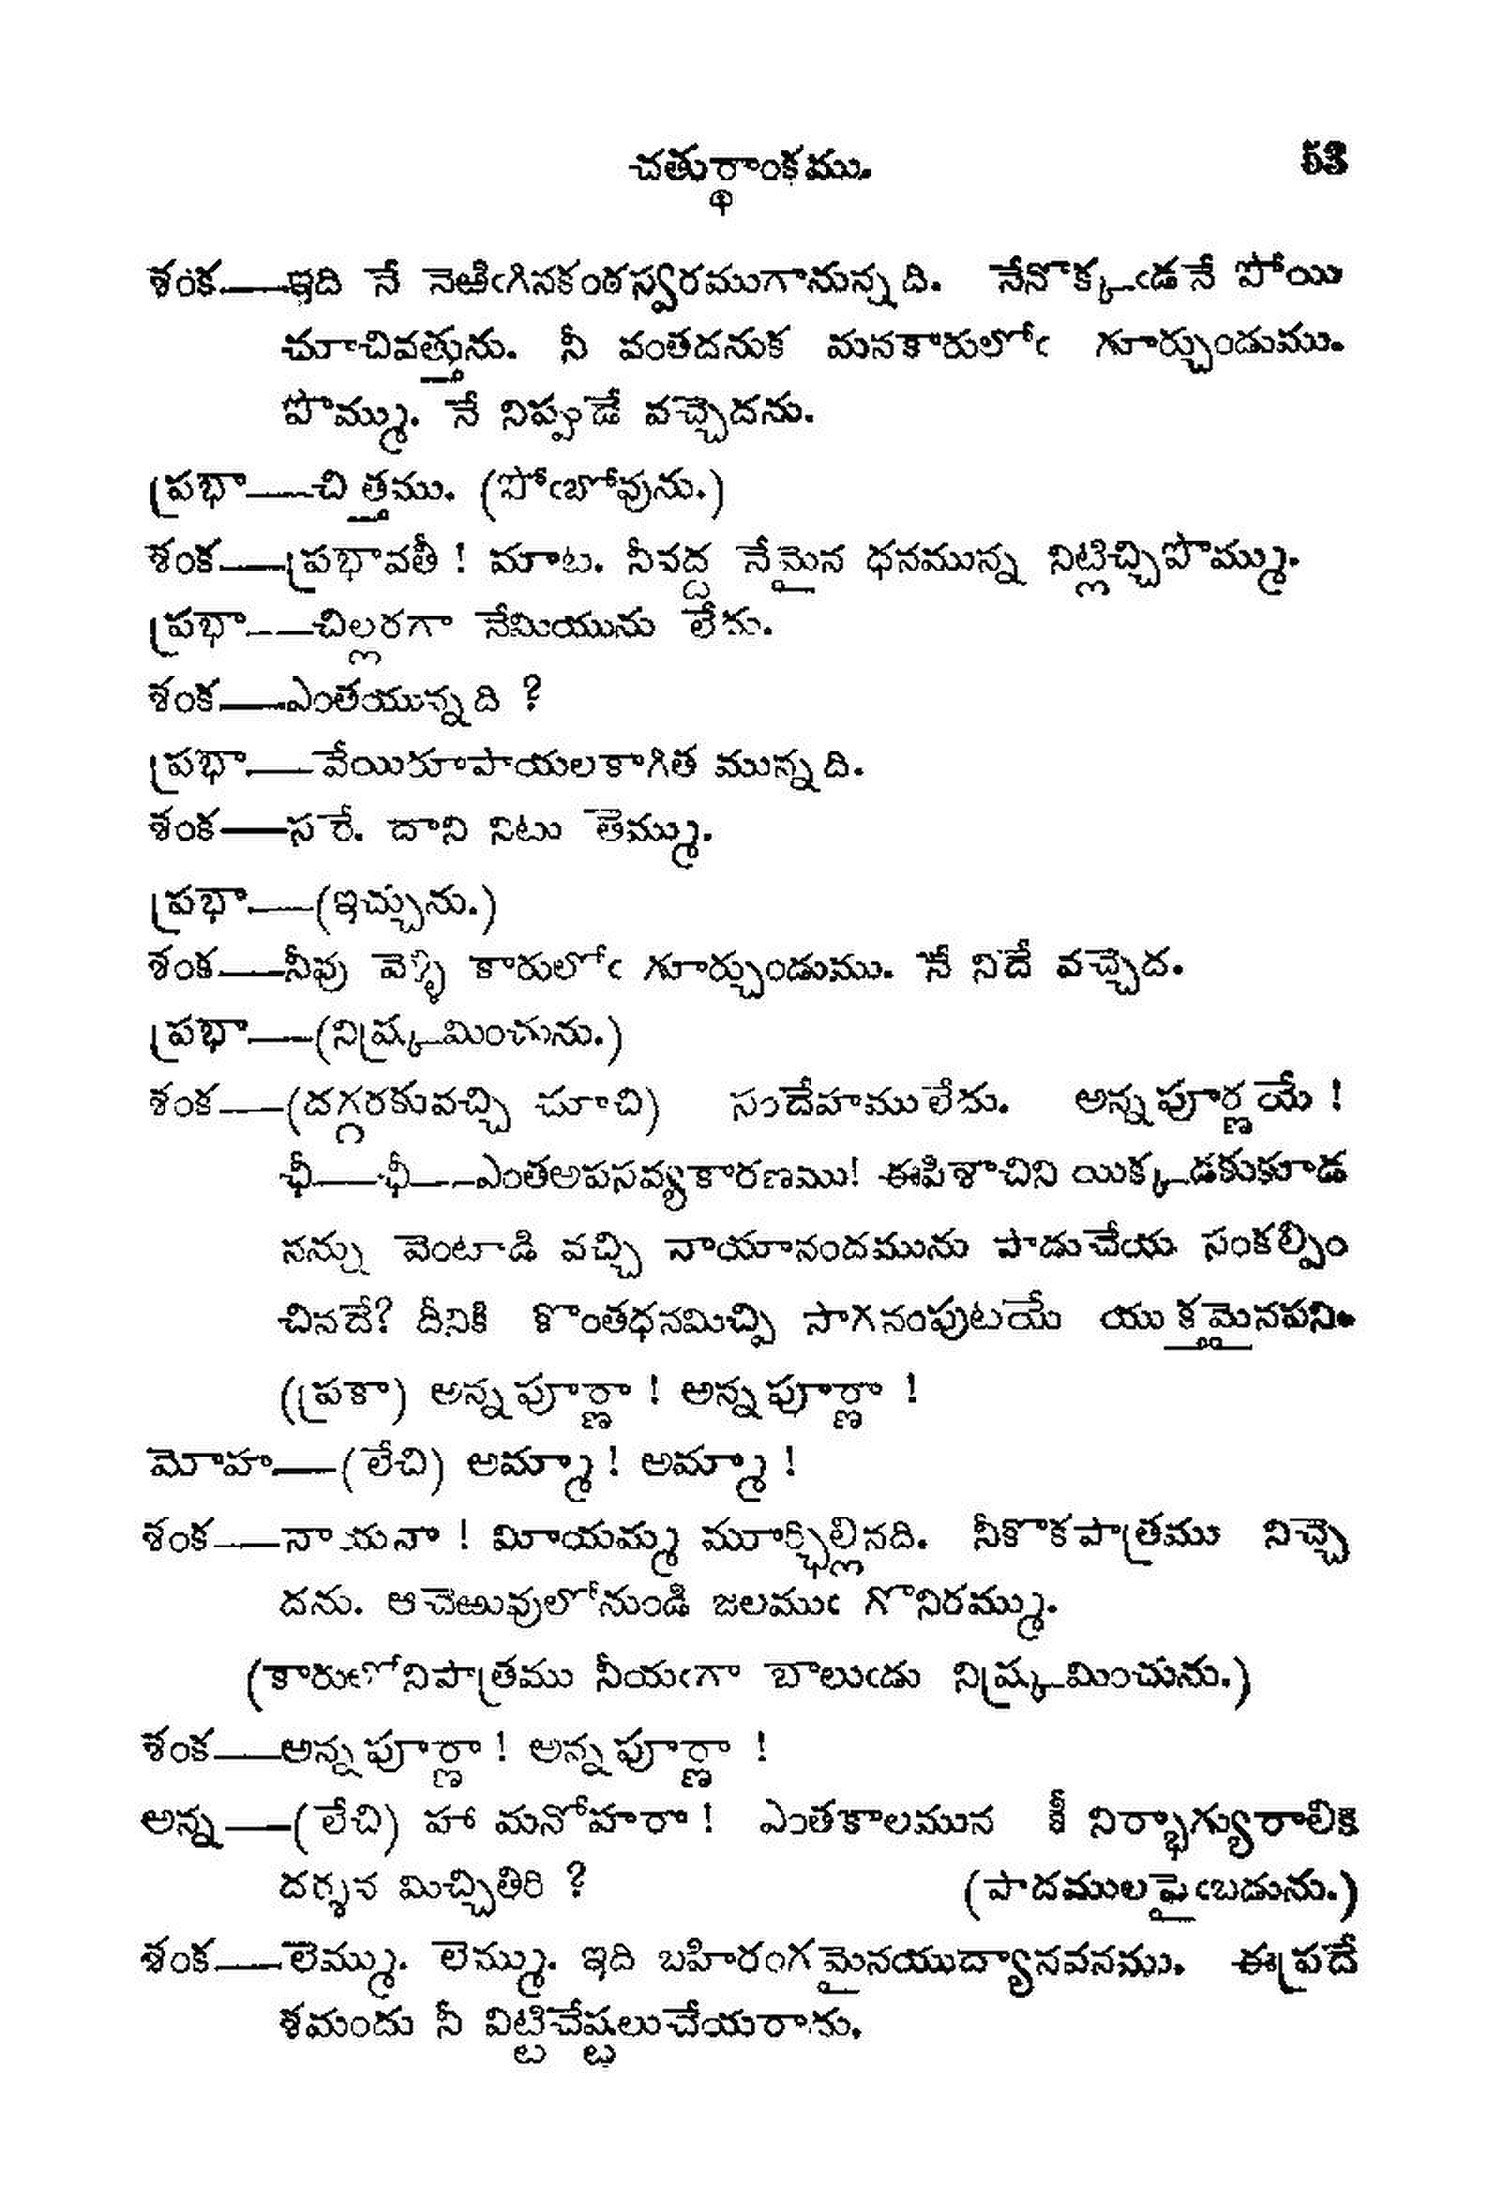శంక - ఇది నే నెఱిఁగినకంఠస్వరముగానున్నది. నేనొక్కఁడనే పోయి చూచివత్తును. నీ వంతదనుక మనకారులోఁ గూర్చుండుము. పొమ్ము. నే నిప్పుడే వచ్చెదను.

ప్రభా - చిత్తము. (పోఁబోవును.)

శంక - ప్రభావతీ ! మాట. నీవద్ద నేమైన ధనమున్న నిట్లిచ్చిపొమ్ము.

ప్రభా - చిల్లరగా నేమియును లేదు.

శంక - ఎంతయున్నది ?

ప్రభా - వేయిరూపాయలకాగిత మున్నది.

శంక – సరే. దాని నిటు తెమ్ము,

ప్రభా -- (ఇచ్చును.)

శంక - నీవు వెళ్ళి కారులోఁ గూర్చుండుము. నే నిదే వచ్చేద.

ప్రభా -- (నిష్క్రమించును.)

శంక - (దగ్గరకు వచ్చి చూచి) సందేహములేదు. అన్నపూర్ణయే ! ఛీ - ఛీ - ఎంతఅపసవ్యకారణము! ఈపిశాచిని యిక్కడకుకూడ నన్ను వెంటాడి వచ్చి నాయానందమును పాడుచేయ సంకల్పించినదే? దీనికి కొంతధనమిచ్చి సాగనంపుటయే యుక్తమైనపని. ( ప్రకా) అన్నపూర్ణా ! అన్నపూర్ణా !

మోహ — ( లేచి) అమ్మా ! అమ్మా !

శంక - నాయనా ! మీయమ్మ మూర్ఛిల్లినది. నీకొకపాత్రము నిచ్చెదను. ఆచెఱువులోనుండి జలముఁ గొనిరమ్ము.

శంక - అన్నపూర్ణా ! అన్నపూర్ణా !

అన్న - ( లేచి) హా మనోహరా ! ఎంతకాలమున కీ నిర్భాగ్యురాలికి దర్శన మిచ్చితిరి?

శంక - లెమ్ము. లెమ్ము. ఇది బహిరంగమైనయుద్యానవనము. ఈప్రదేశమందు నీ విట్టిచేష్టలు చేయరాదు,